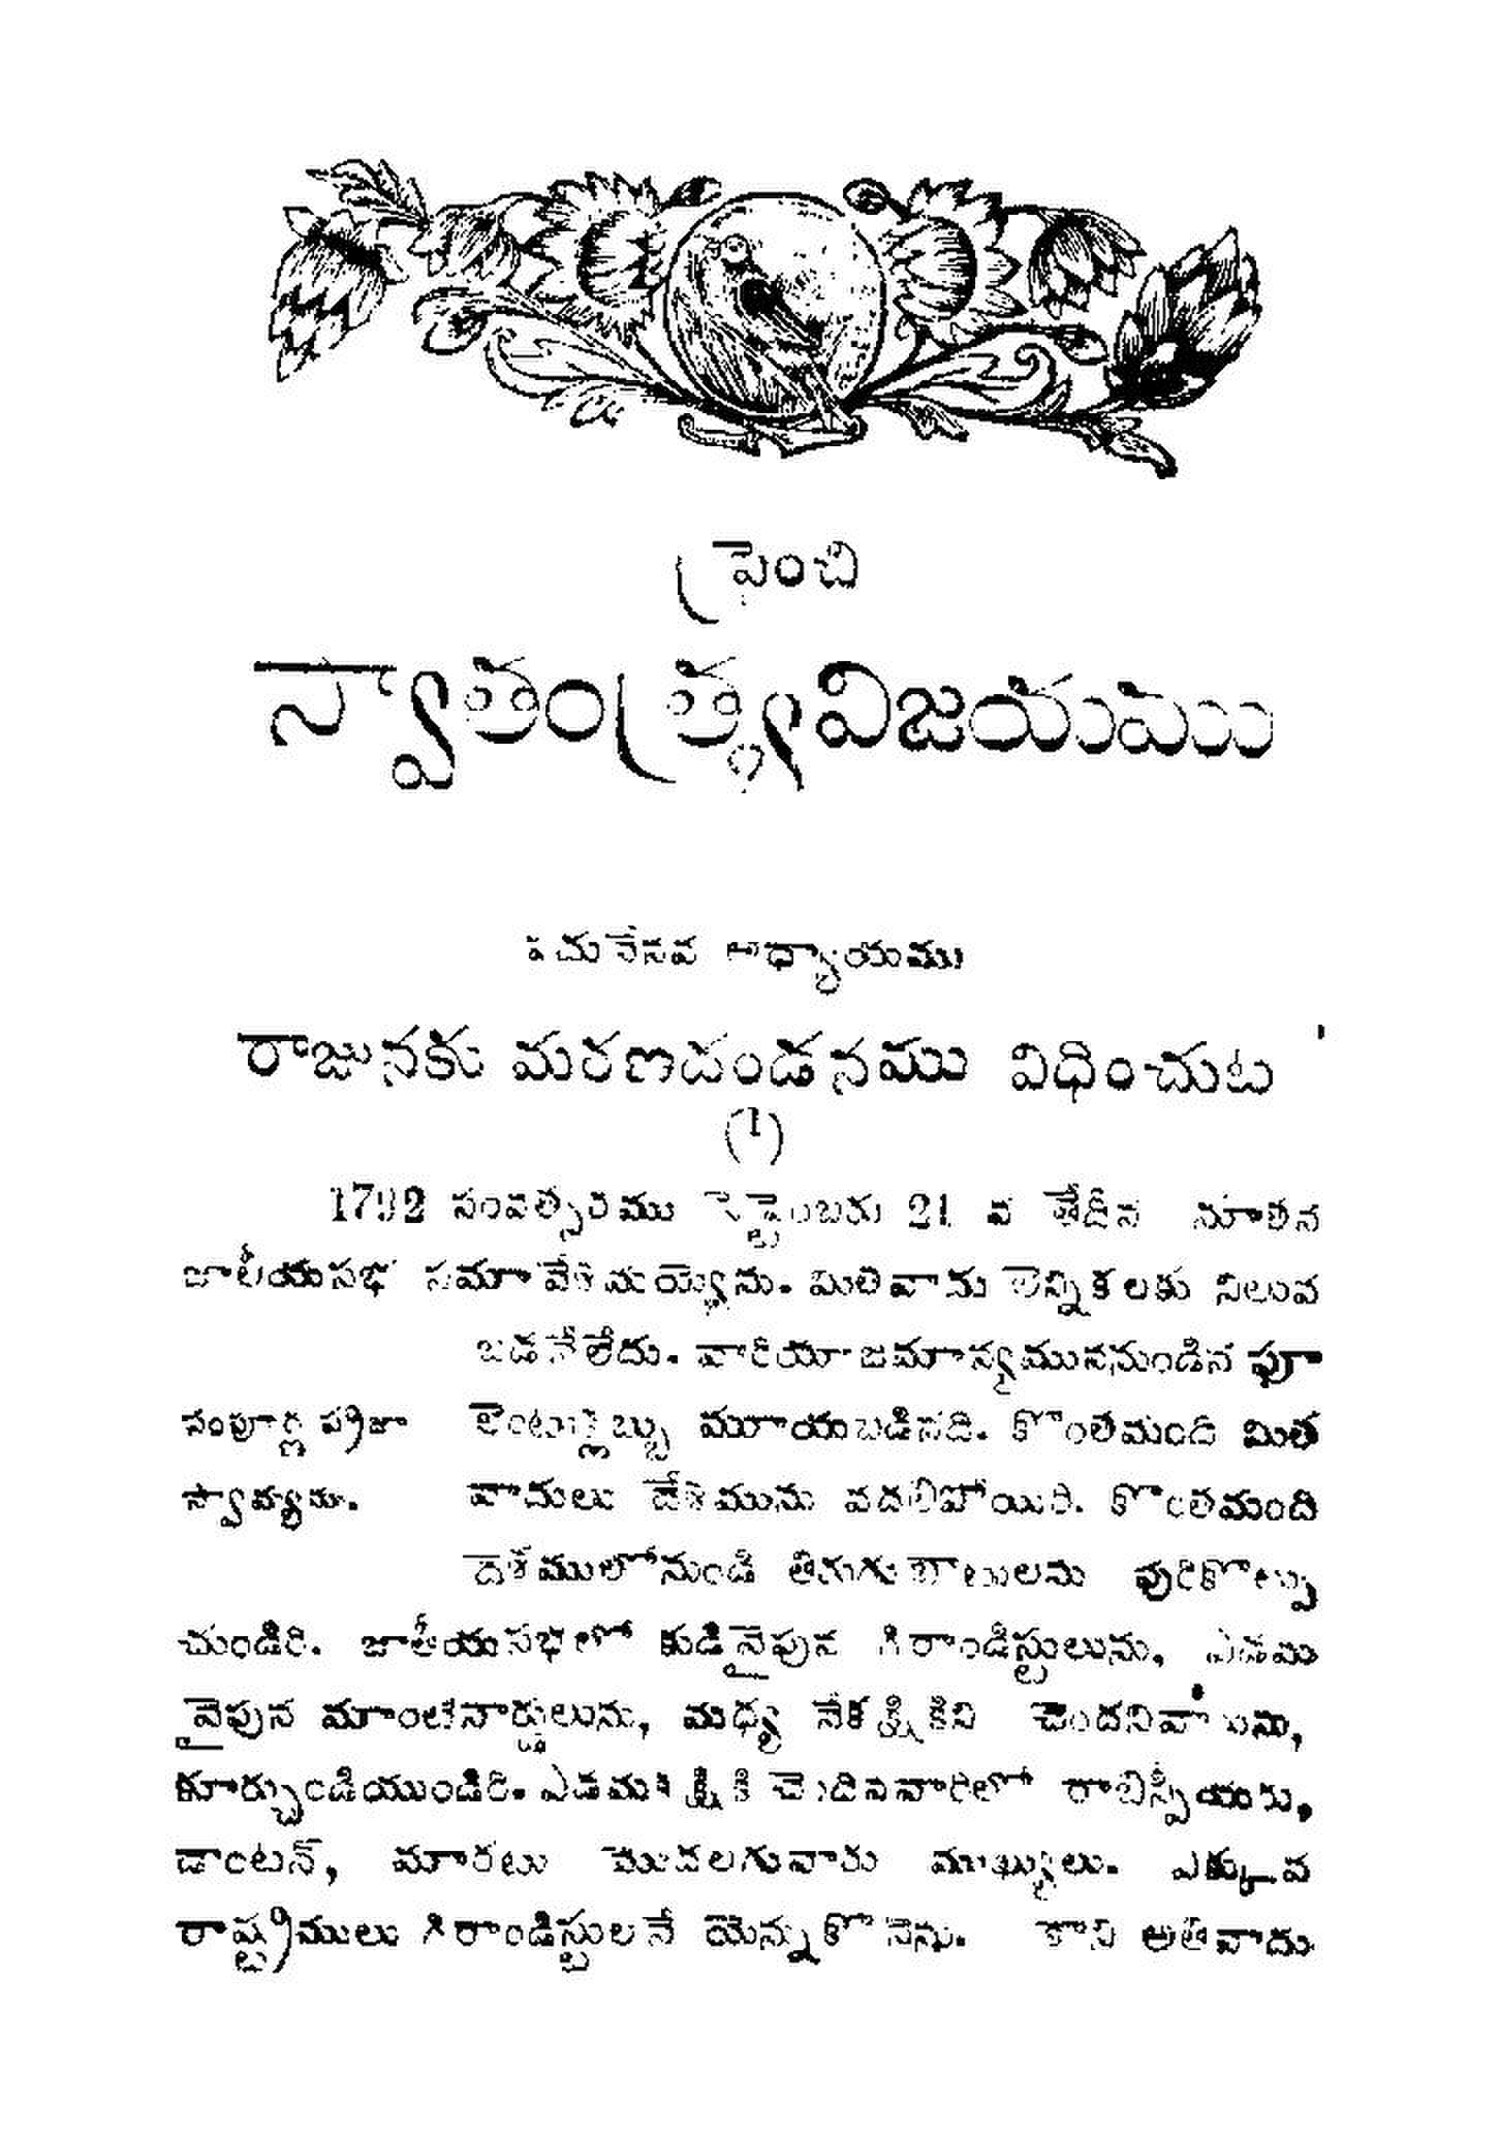సంపూర్ణ ప్రజా
స్వామ్యము,
1792 సంవత్సరము సెప్టెంబరు నెల 21 వ తేదీన నూతన
జాతీయసభ సమావేశ మయ్యెను. మితవాదులెన్నికలకు నిలువ
బడనే లేదు. వారి యాజమాన్యముననుండిన 
ఫూలెంటు క్లబ్బు మూయబడినది. కొంత మంది మిత
వాదులు దేశమును వదలిపోయిరి. కొంతమంది
దేశములోనుండి తిరుగుబాటులను పురికొల్పు
చుండిరి. జాతీయసభలో కుడి వైపున గిరాడిస్టులును, ఎడమ
వైపున మాంటీనార్డులును, మధ్య నేక క్షకిని చెందనివారును
కూర్చుండి యుండిరి. ఎడమ కక్షికి చెందినవారిలో రాబిప్పీయరు,
డాంటన్, మారటు మొదలగువారు ముఖ్యులు. ఎక్కువ
రాష్ట్రములు గిరాండిస్టులనే యెన్నకొ నెను. కాని అతవాదు